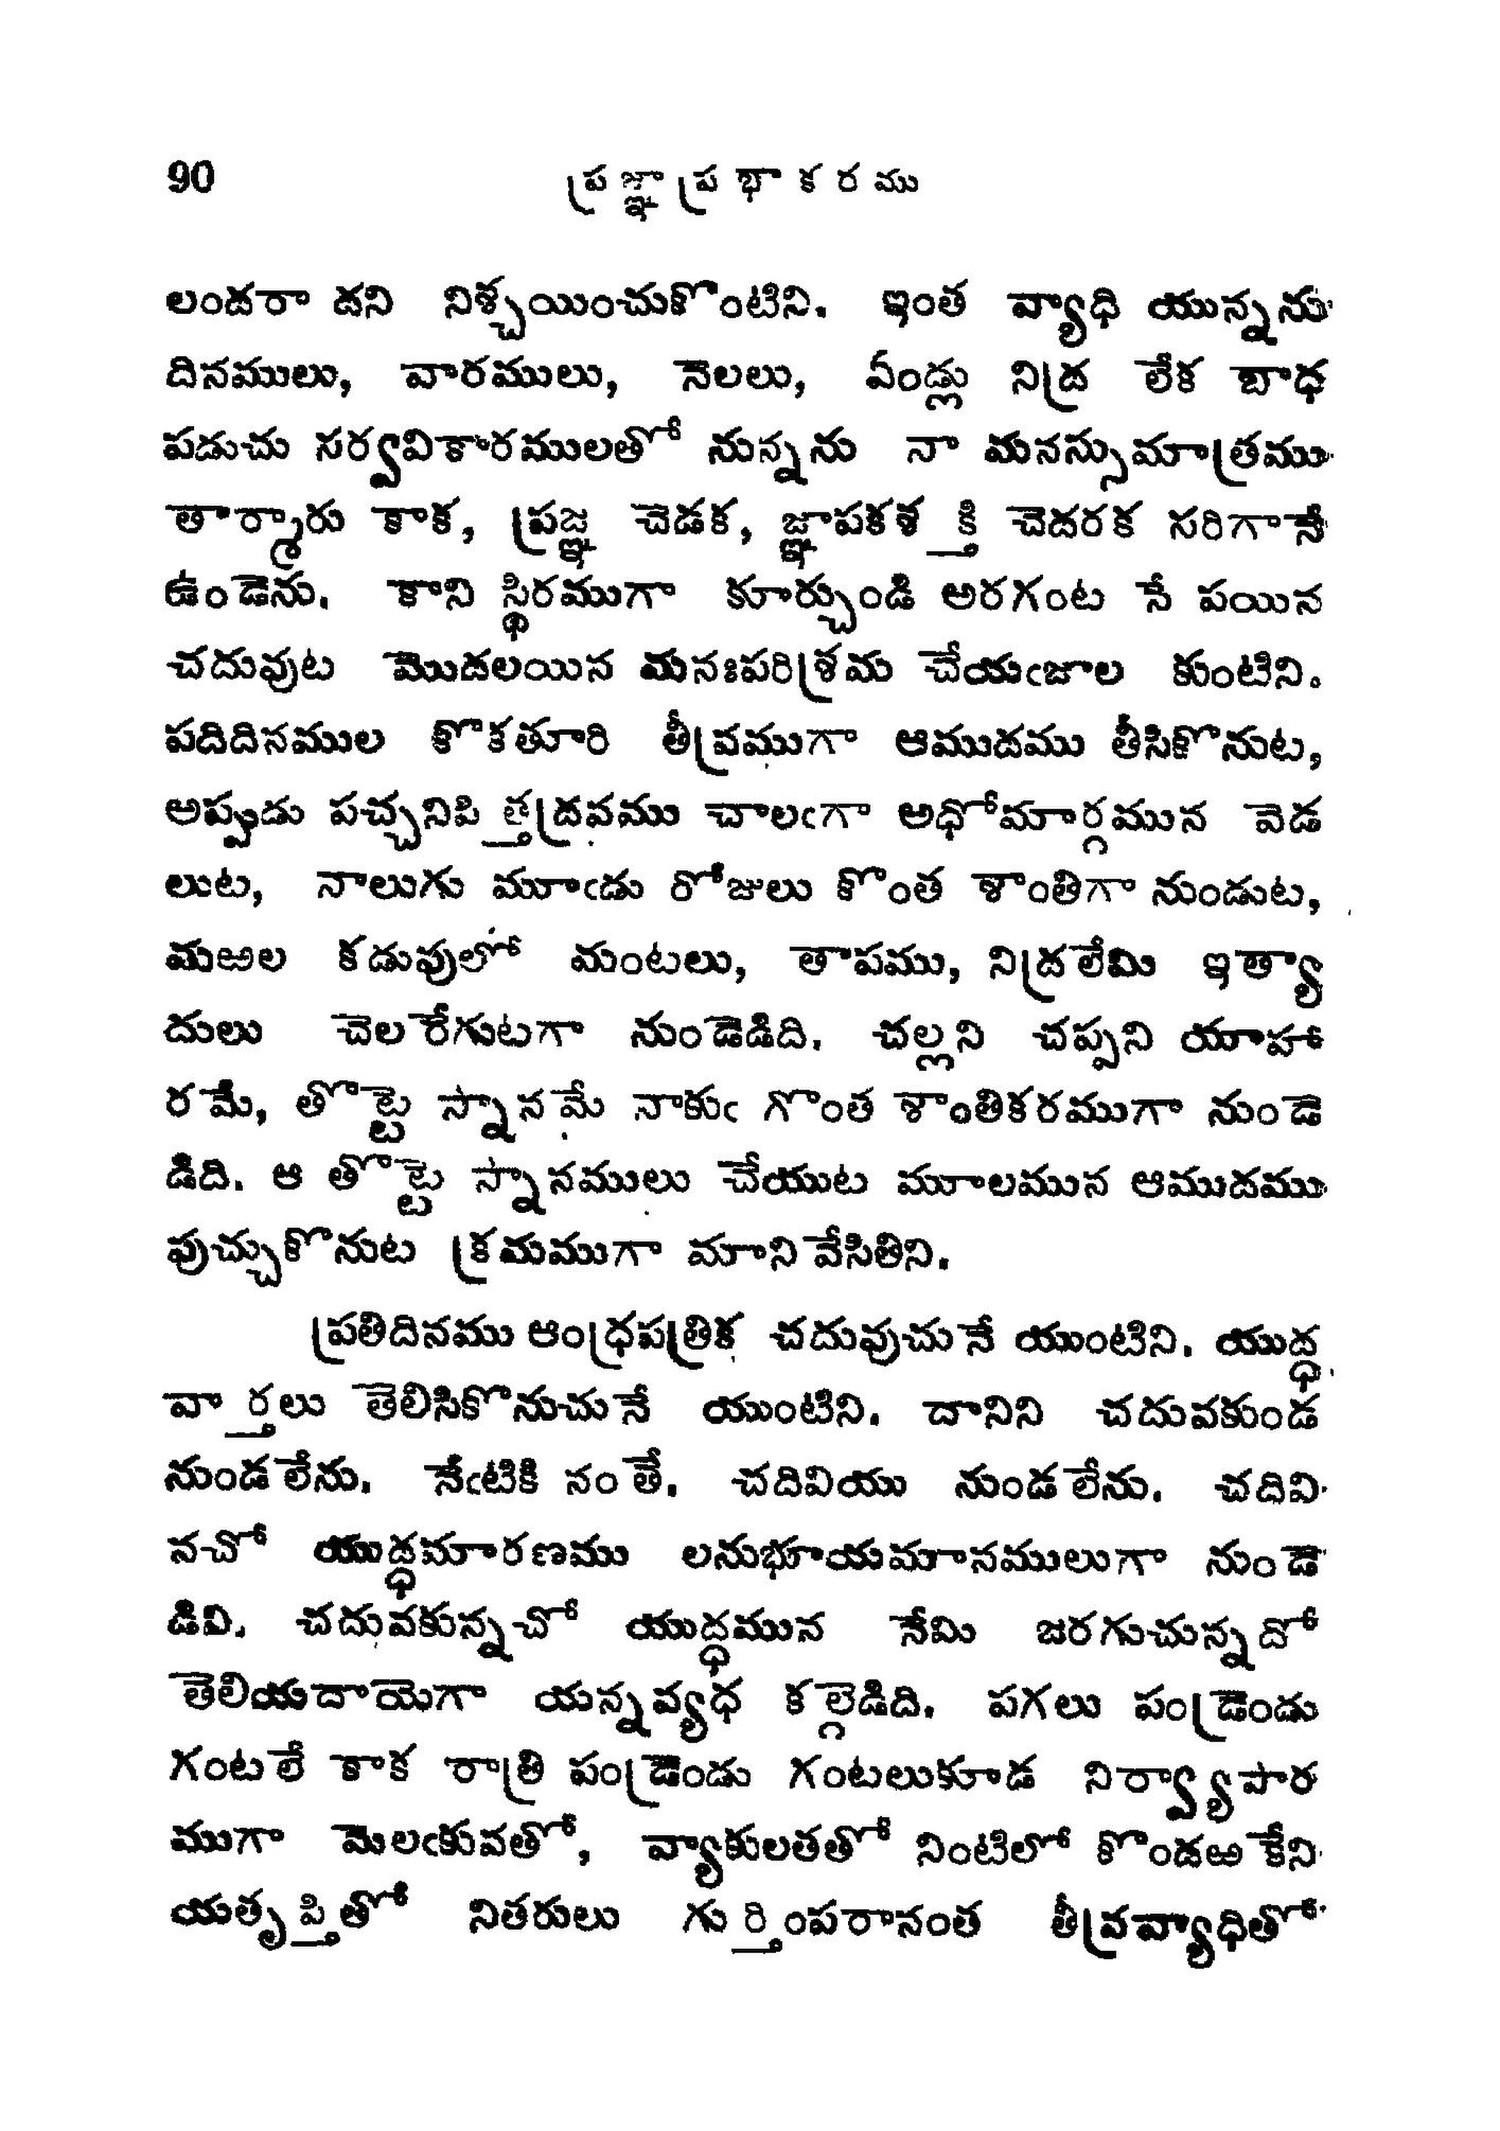లందరా దని నిశ్చయించుకొంటిని, ఇంత వ్యాధి యున్నను దినములు, వారములు, నెలలు, ఏండ్లు నిద్ర లేక బాధ పడుచు సర్వవికారములతో నున్నను నా మనస్సుమాత్రము తార్మారు కాక, ప్రజ్ఞ చెడక, జఞపకశక్తి చెదరకసరిగానే ఉండెను, కాని స్ధిరముగా కూర్చుండి అరగంట సేపయిన చదువుట మొదలయిన మనః పరిశ్రమ చేయజాల కుంటిని, పదిదినముల కొకతూరి తీవ్రముగా చాలగా అదోమార్గమున వెడలుట, నాలుగు మూడు రోజులు కొంత శాంతిగా నుందుట, మఱల కడుపులో మంటలు , తాపము , నిద్రలేమి ఇత్యాదులు చెల రేగుటగా నుండెడిదిచాలని చప్పని యాహారమే, తొట్టె స్నానమేనాకు గొంత శాంతి కరముగా నుండె డిది, ఆ తొట్టె స్నానములు చేయుట మూలమున ఆముదము పుచ్చుకొనుట క్రమముగా మానివేసితిని.

ప్రతిదినము ఆంధ్రపత్రిక చుదువుచునే యుంటిని. యుద్ద వార్తలు తెలిసికోనుచునే యుంటిని, దానిని చదువ కుండ నుండ లేను, నేటికి నంతే చదివియు నుండలేను, చదివినచో యుద్దమారణము లను భూయమనములుగా నుండేడివి, చదువకున్నచో యుద్దమున నేమి జరగుచున్నదో తెలియదాయెగా యన్నవ్యధ కల్గెడిది. పగల పండ్రెండు గంటలే కాక రాత్రి పండ్రెండు గంటలుకూడ నిర్వ్యాపారముగా మెలకువతో, వ్యాకులతతో నింటిలో కొందఱ కేని యతృప్తితో నితరులు గుర్తింపరానంత తీవ్రవ్యాధితో